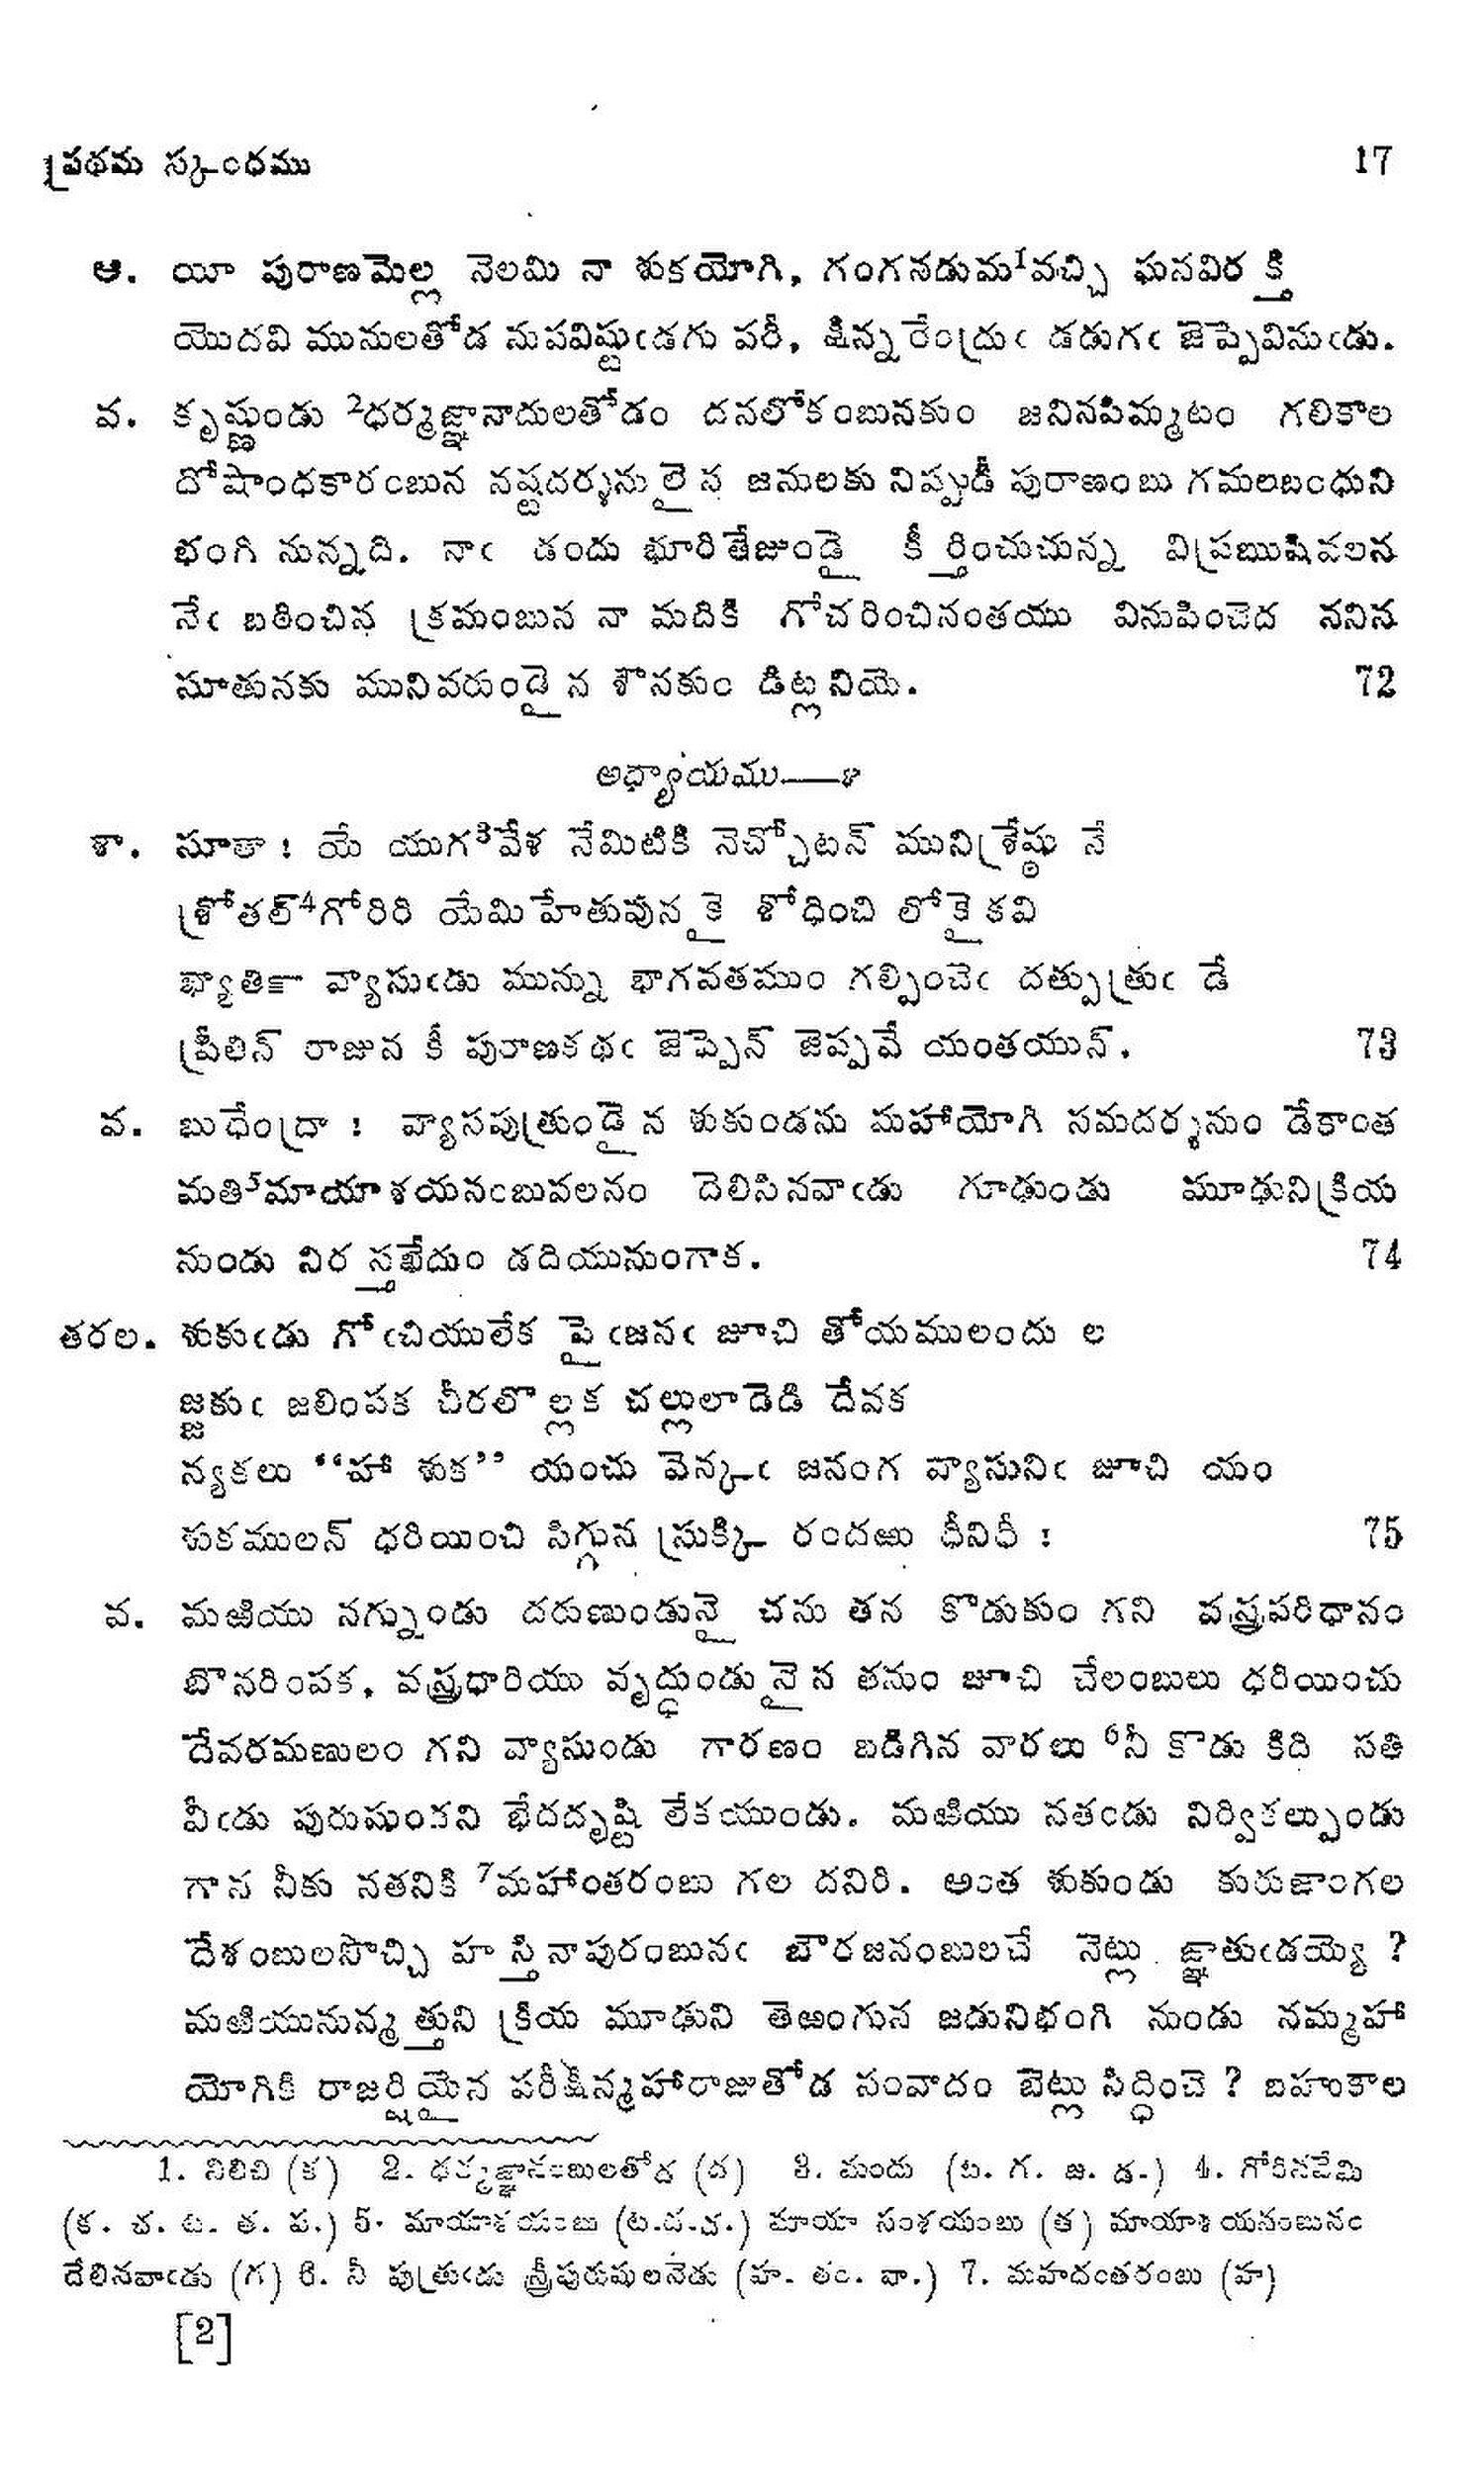17

ఆ.వె. యీ పురాణమెల్ల నెలమి నా శుకయోగి, గంగ నడుమ వచ్చి ఘనవిరక్తి

యొదవి మునుల తోడ నుపవిష్టుఁడగు పరీ,క్షిన్నరేంద్రుఁ డడుగఁ జెప్పె వినుఁడు. (1-71)
 

వ. కృష్ణుండు ధర్మజ్ఞాదుల తోడం దన లోకంబునకుం జనిన పిమ్మటం గలికాల దోషాంధకారంబున నష్టదర్శనులైన జనులకు నిప్పుడీ పురాణంబు కమలబంధుని భంగి నున్నది. నాఁ డందు భూరితేజుండై కీర్తించుచున్న విప్రఋషి వలన నేఁ బఠించిన క్రమంబున నా మదికి గోచరించినంతయ వినిపించెద ననిన సూతునకు మునివరుండైన శౌనకుండిట్లనియె. (1-72)

శా. సూతా ! యే యుగవేళ నేమిటికి నెచ్చోటన్ మునిశ్రేష్టు నే

శ్రోతల్ గోరిరి యేమి హేతువునకై శోధించి లోకైక వి

ఖ్యాతిన్ వ్యాసుఁడు మున్ను భాగవతముం గల్పించెఁ దత్పుత్త్రుఁ డే

ప్రీతిన్ రాజునకీ పురాణకథఁ జెప్పెన్ జెప్పవే యంతయున్. (1-73)

వ. బుధేంద్రా ! వ్యాసపుత్త్రుండైన శుకుండను మహాయోగి సమదర్శనుం డేకాంతమతి మాయాశయనంబు వలనం దెలిసినవాఁడు. గూఢుండు మూఢుని క్రియ నుండు నిరస్తఖేదుం డదియునుం గాక, (1-74)

తరలము :- శుకుఁడు గోచియు లేక పైఁ జనఁ జూచి తోయములందు ల

జ్జకుఁ జలింపక చీరలొల్లక చల్లు లాడెడి దేవ క

న్యకలు "హా ! శుక" యంచు వెన్క జనంగ వ్యాసునిఁ జూచి యం

శుకములన్ ధరియించి సిగ్గున స్రుక్కి రందఱు ధీనిధీ ! (1-75)

వ. మఱియు నగ్నుండుఁ దరుణుండు నై చను తన కొడుకుం గని వస్త్ర పరిధానం బొనరింపక వస్త్రధారియు వృద్ధుండు నైన తనుం జూచి చేలంబులు ధరియించు దేవ రమణులం గని వ్యాసుండు గారణం బడిగిన వారలు " నీ కొడు కిది సతి, వీఁడు పురుషుండని భేదదృష్టి లేక యుండు. మఱియు నతండు నిర్వికల్పుండు గాన నీకు నతనికి మహాంతరంబు గల" దనిరి. అంత శుకుండు కురుజాంగల దేశంబుల సొచ్చి హస్తినాపురంబునఁ బౌరజనంబులచే నెట్లు జ్ఞాతుండయ్యె ? మఱియు నున్మత్తుని క్రియ మూఢుని తెఱంగున జడుని భంగి నుండు నమ్మహాయోగికి రాజర్షి యైన పరీక్షిన్మహారాజు తోడ సంవాదం బెట్లు సిద్ధించె ? బహుకాల